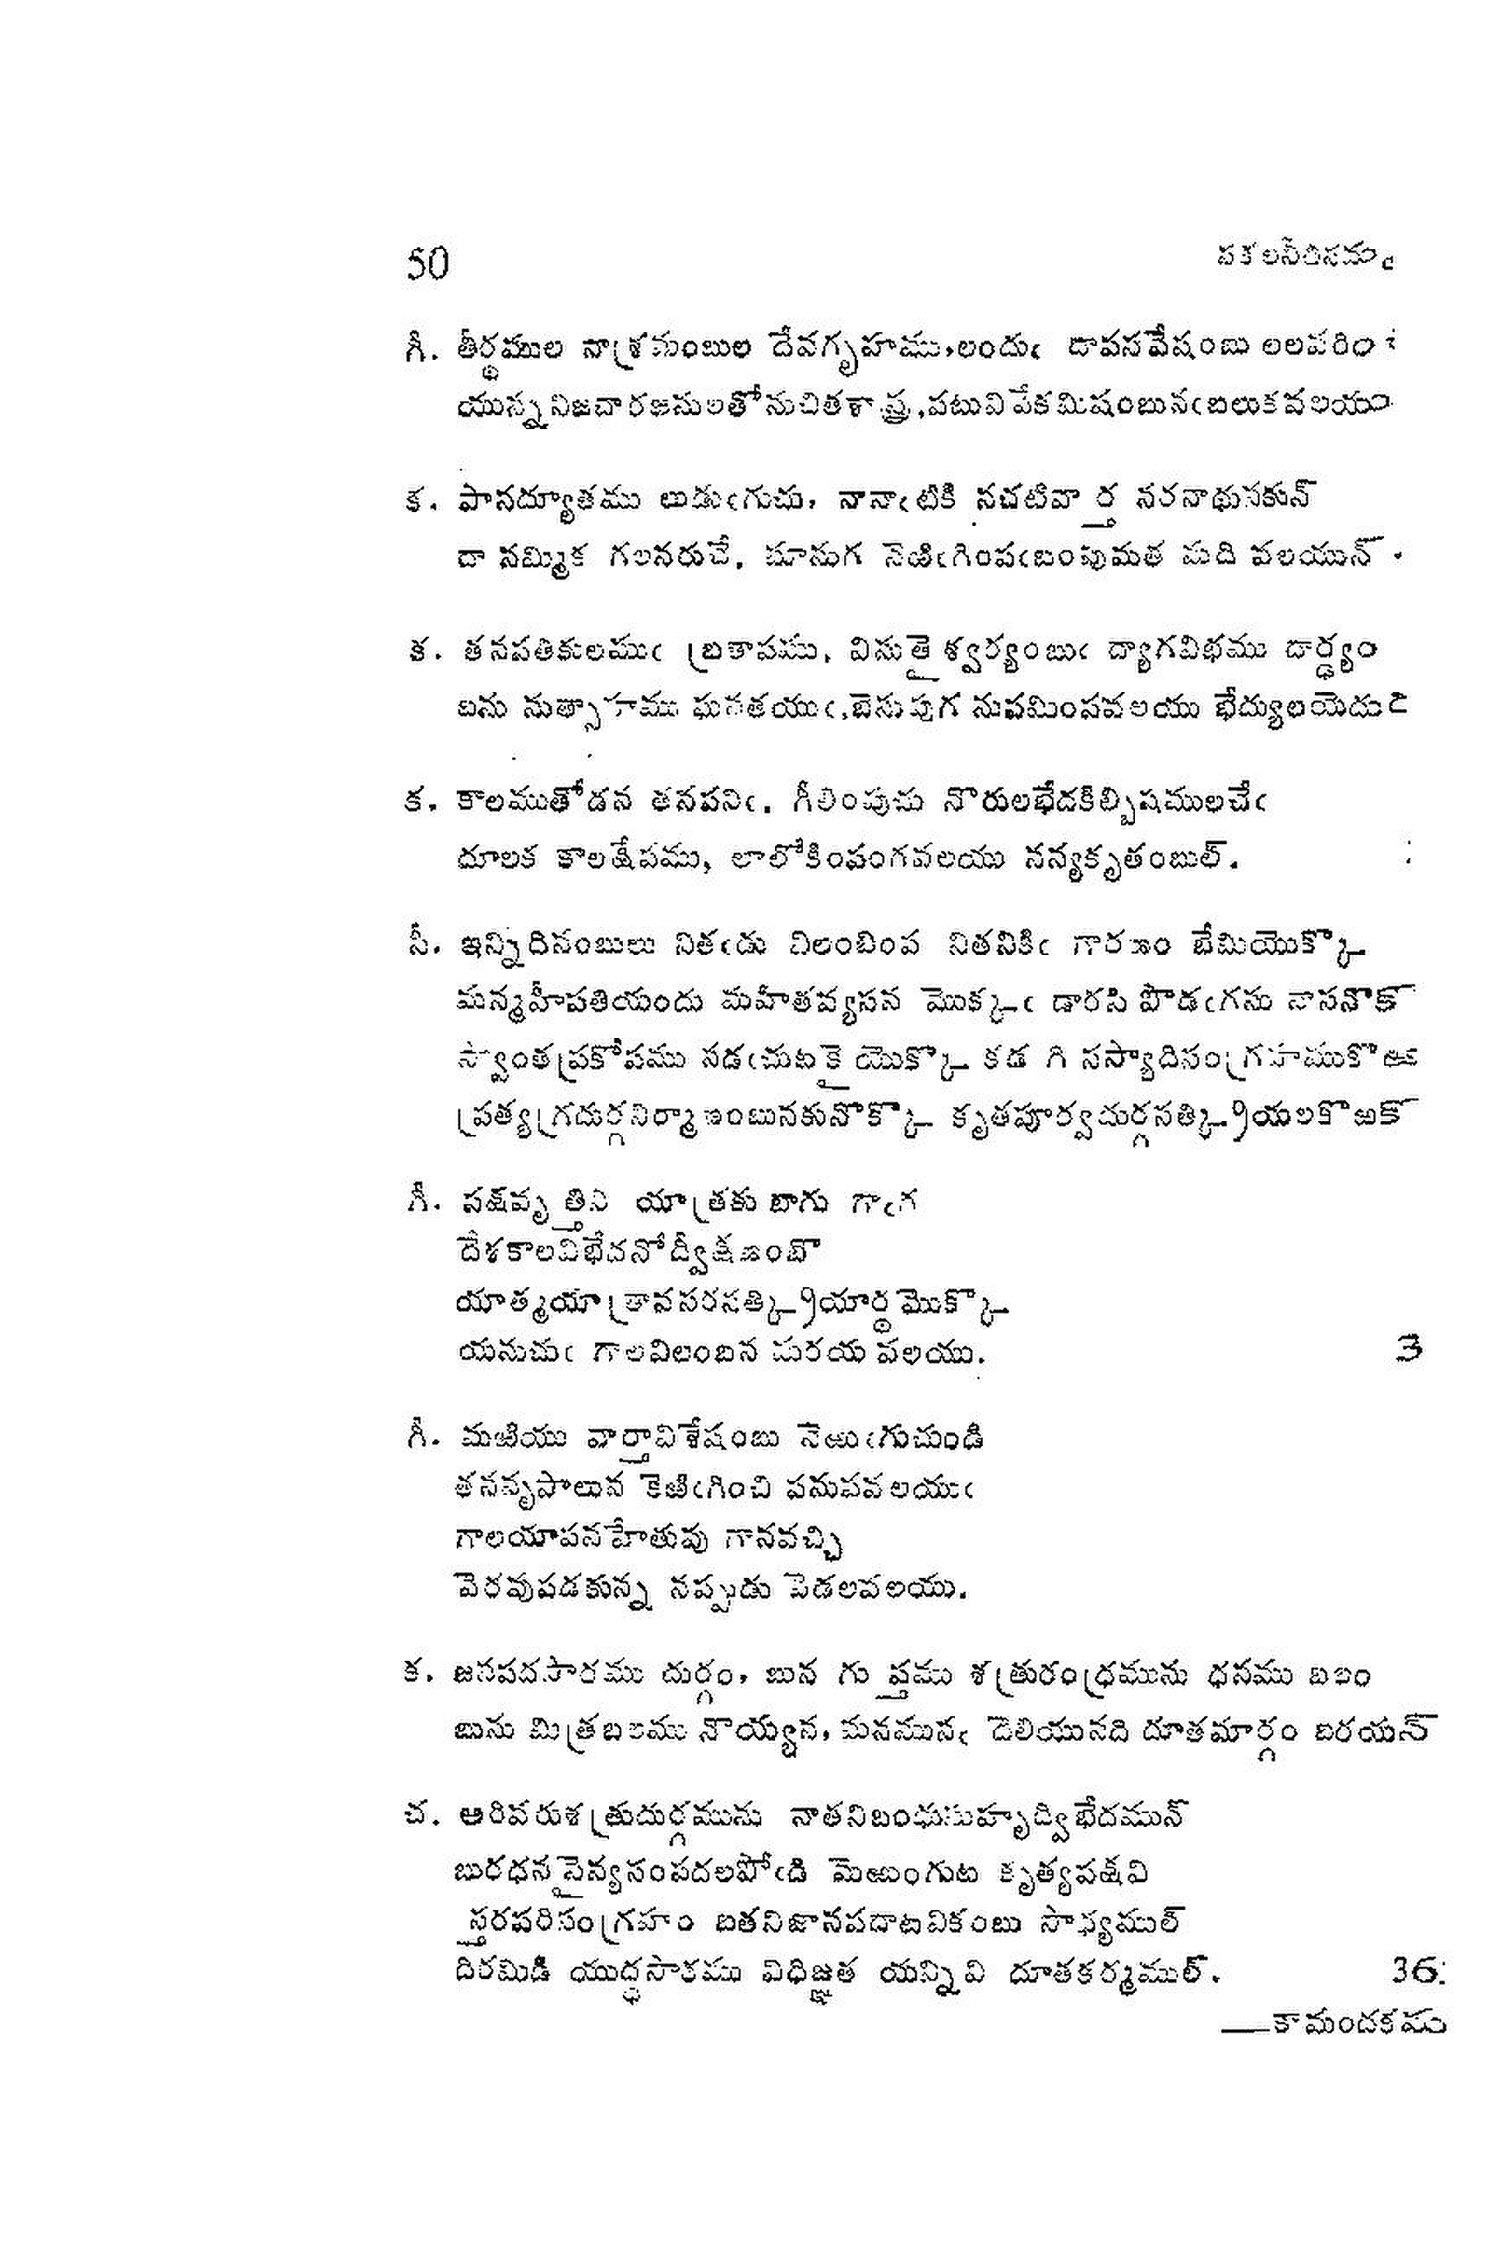గీ. తీర్థముల నాశ్రమంబుల దేవగృహము
లందుఁ దాపసవేషంబు లలవరించి
యున్న నిజచారజనులతో నుచితశాస్త్ర
పటువివేకమిషంబునఁ బలుకవలయు. 355

క. పానద్యూతము లుడుఁగుచు
నానాఁటికి నచటివార్తనరనాథునకున్
దా నమ్మిక గలనరుచే
మానుగ నెఱిఁగింపఁబంపుమత మది వలయున్. 356

క. తనపతికులముఁ బ్రతాపము
వినుతైశ్వర్యంబుఁ ద్యాగవిభవము దార్ఢ్యం
బును నుత్సాహము ఘనతయుఁ
బెఁనుపుగ నుపమింపవలయు భేద్యులయెదురన్. 357

క. కాలముతోడన తనపనిఁ
గీలింపుచు నొరులభేదకిల్బిషములచేఁ
దూలక కాలక్షేపము
లాలోకింపగవలయు నన్యకృత్యంబుల్. 358

సీ. ఇన్నిదినంబులు నితఁడు విలంబింప
నితనికిఁ గారణం బేమియొక్కొ
మన్మహీపతియందు మహితవ్యసన మొక్కఁ
డారసి పొడఁగను నాసనొక్కొ
స్వాంతప్రకోపము నడఁచుటకై యొక్కొ కడ
గి సస్యాదిసంగ్రహముకొఱకొ
ప్రత్యగ్రదుర్గనిర్మాణంబునకునొక్కొ
కృతపూర్వదుర్గసత్క్రియలకొఱకొ
గీ. పక్షవృత్తిని యాత్రకు బాగు గాఁగ
దేశకాలవిభేదనోద్వీక్షణంబొ
యాత్మయాత్రావసరసత్క్రియార్థమొక్కొ
యనుచుఁ గాలవిలంబన మరయ వలయు. 359

గీ. మఱియు వార్తావిశేషంబు నెఱుఁగుచుండి
తననృపాలున కెఱిఁగించి పనుపవలయుఁ
గాలయాపనహేతువు గానవచ్చి
వెరవుపడకున్న నప్పుడు వెడలవలయు. 360

క. జనపదసారము దుర్గం
బున గుప్తము శత్రురంధ్రమును ధనము బలం
బును మిత్రబలము నొయ్యన
మనమునఁ దెలియునది దూతమార్గం బరయన్. 361

చ. అరివరుశత్రుదుర్గమును నాతనిబంధుసుహృద్విభేదమున్
బురధనసైన్యసంపదలపోఁడి మెఱుంగుట కృత్యపక్షని
స్తరపరిసంగ్రహం బతనిజానపదాటవికంబు సాధ్యముల్
దిరమిడి యుద్ధసారము విధిజ్ఞత యన్నివి దూతకర్మముల్. 362